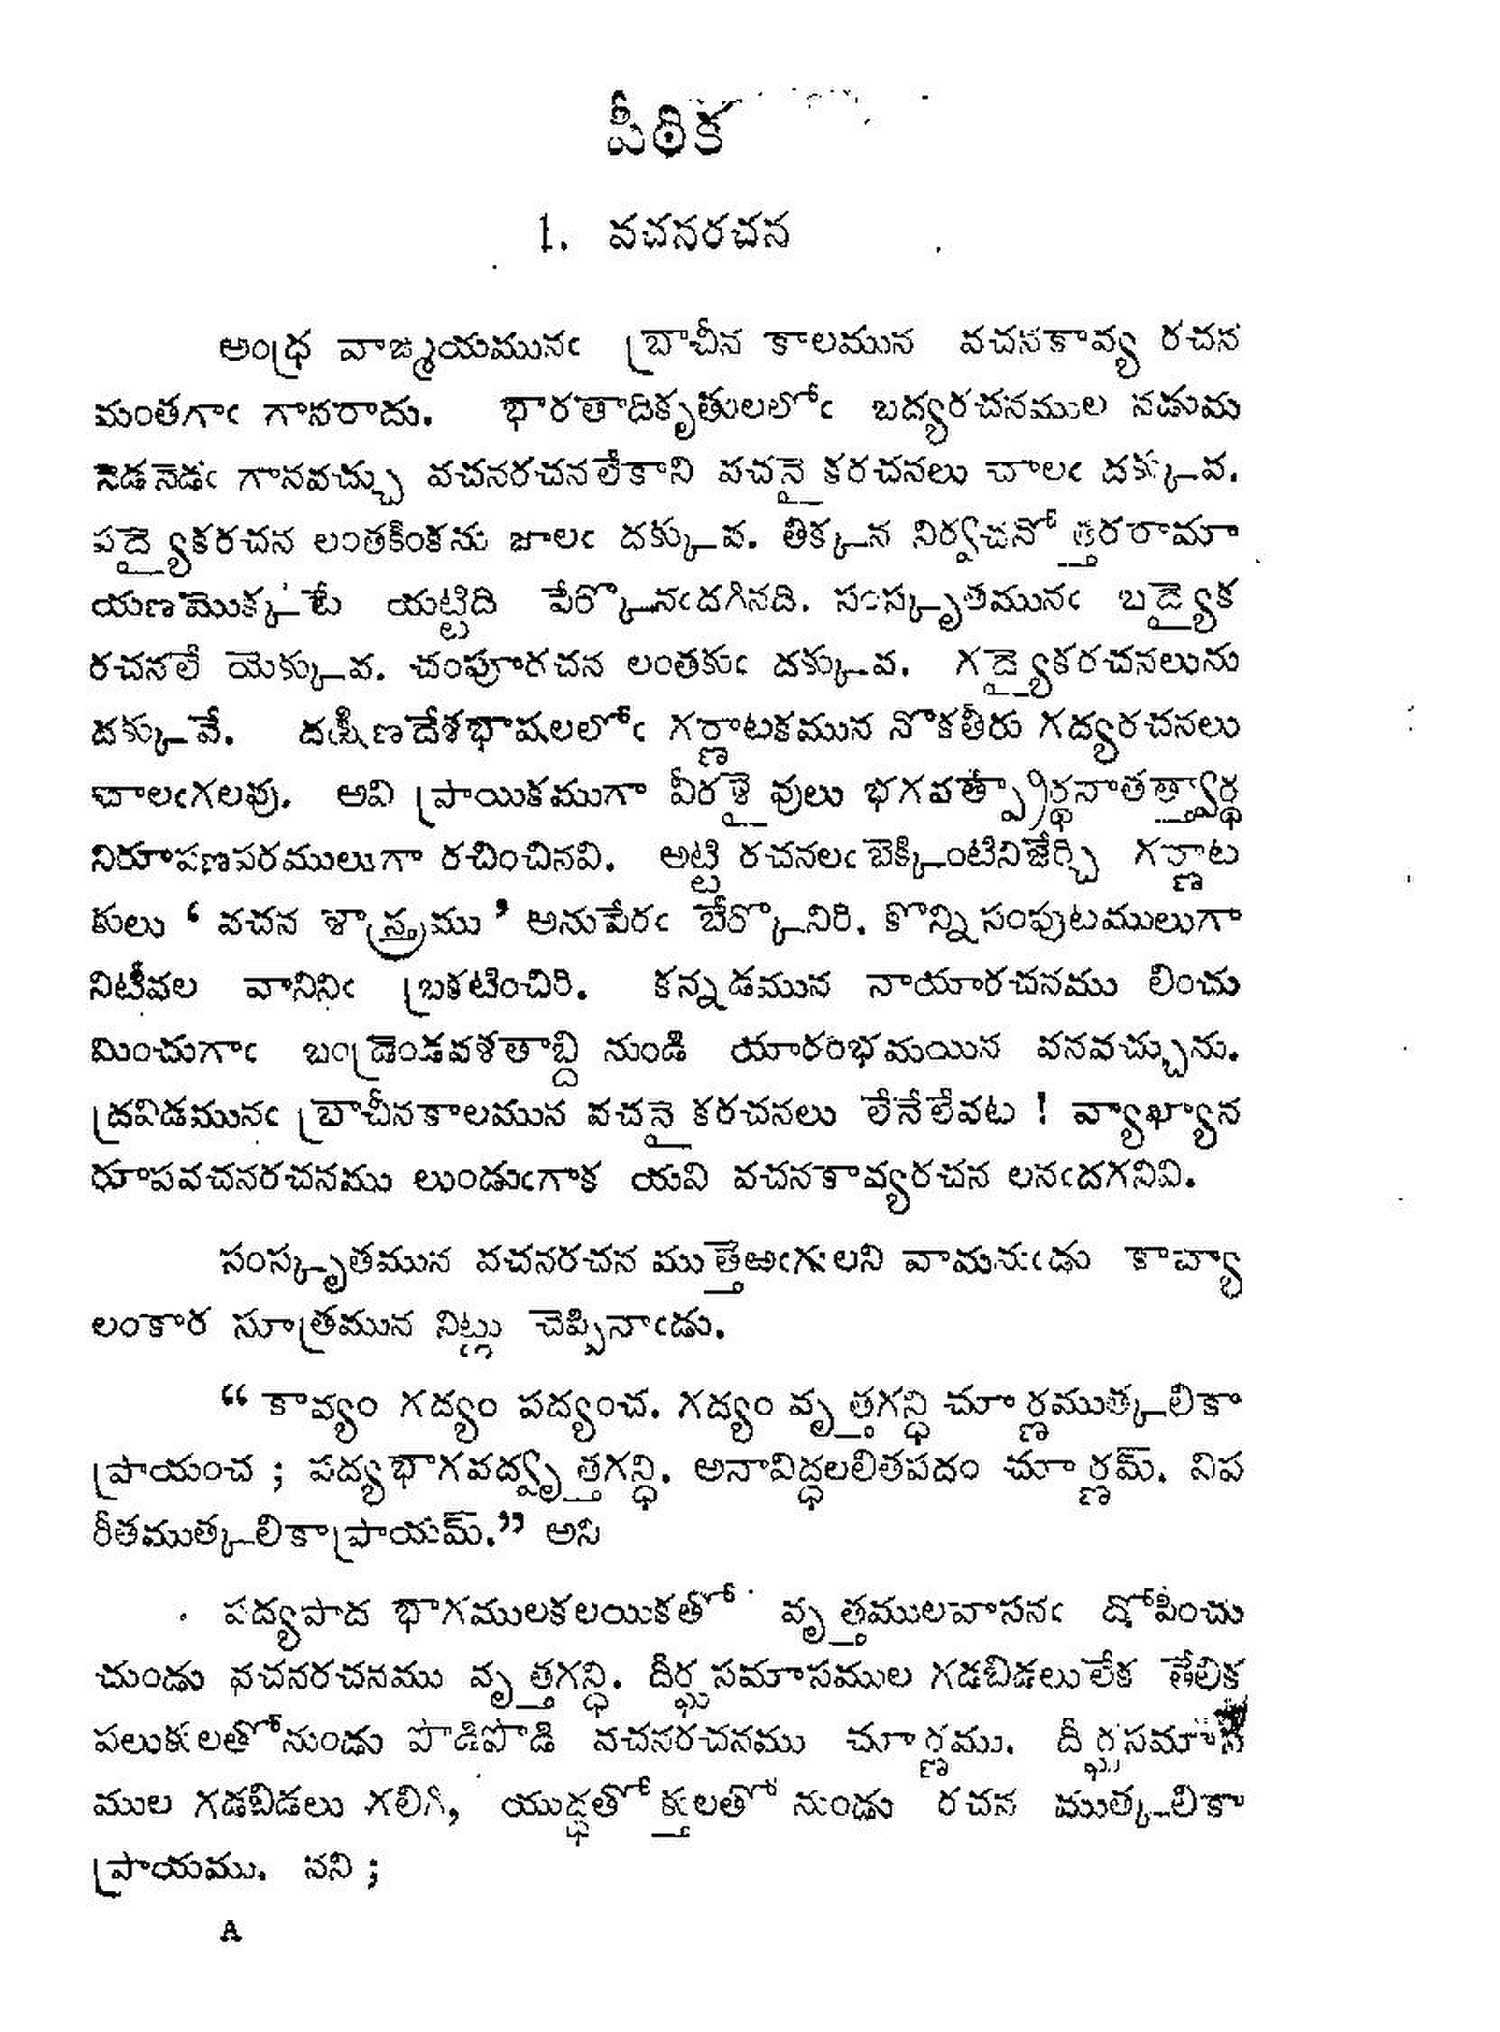పీఠిక

1. వచనరచన 

అంధ్ర వాఙ్మయమునఁ బ్రాచీన కాలమున వచనకావ్య రచనమంతగాఁ గానరాదు. భారతాదికృతులలోఁ బద్యరచనముల నడుమ నెడనెడఁ గానవచ్చు వచనరచనలేకాని వచనైకరచనలు చాలఁ దక్కువ. పద్యైకరచన లంతకింకను జాలఁ దక్కువ. తిక్కన నిర్వచనోత్తరరామాయణమొక్కటే యట్టిది పేర్కొనఁదగినది. సంస్కృతమునఁ బద్యైక రచనలే యెక్కువ. చంపూరచన లంతకుఁ దక్కువ. గద్యైకరచనలును దక్కువే. దక్షిణదేశభాషలలోఁ గర్ణాటకమున నొకతీరు గద్యరచనలు చాలఁగలవు. అవి ప్రాయికముగా వీరశైవులు భగవత్ప్రార్థనాతత్త్వార్థ నిరూపణపరములుగా రచించినవి. అట్టి రచనలఁ బెక్కింటినిజేర్చి గర్ణాటకులు ' వచన శాస్త్రము ' అనుపేరఁ బేర్కొనిరి. కొన్ని సంపుటములుగా నిటీవల వానినిఁ బ్రకటించిరి. కన్నడమున నాయారచనము లించుమించుగాఁ బండ్రెండవశతాబ్ది నుండి యారంభమయిన వనవచ్చును. ద్రవిడమునఁ బ్రాచీనకాలమున వచనైకరచనలు లేనేలేవట! వ్యాఖ్యాన రూపవచనరచనము లుండుఁగాక యవి వచనకావ్యరచన లనఁదగనివి.

సంస్కృతమున వచనరచన ముత్తెఱఁగులని వామనుఁడు కావ్యాలంకార సూత్రమున నిట్లు చెప్పినాఁడు.

"కావ్యం గద్యం పద్యంచ. గద్యం వృత్తగన్ధి చూర్ణముత్కలికా ప్రాయంచ; పద్యభాగవద్వృత్తగన్ధి. అనావిద్ధలలితపదం చూర్ణమ్. విపరీతముత్కలికాప్రాయమ్.” అని

పద్యపాద భాగములకలయికతో వృతములవాసనఁ దోపించు చుండు వచనరచనము వృత్తగన్ధి. దీర్ఘసమాసముల గడబిడలులేక తేలిక పలుకులతోనుండు పొడిపొడి వచనరచనము చూర్ణము. దీర్ఘసమాసముల గడబిడలు గలిగి, యుద్ధతోక్తులతో నుండు రచన ముత్కలికా ప్రాయము. ననీ;